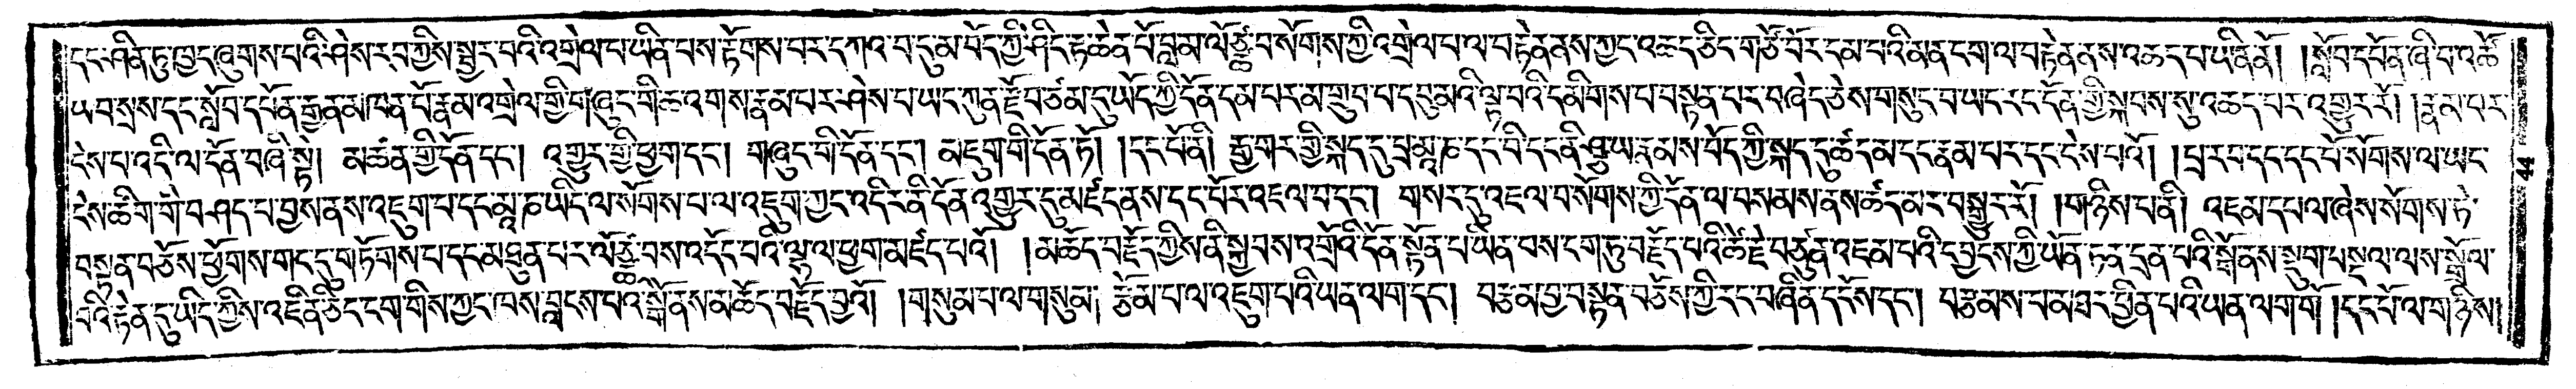དང་ཤིན་ཏུ་ཁྱད་ཞུགས་པའི་ཤེས་རབ་ཀྱིས་སྦྱར་བའི་འགྲེལ་པ་ཡིན་པས་རྟོགས་པར་དཀའ་བ་དུ་མ་བོད་ཀྱི་ཤིང་རྟ་ཆེན་པོ་བླ་མ་ལོཙྪ་བ་སོགས་ཀྱི་འགྲེལ་པ་ལ་བརྟེན་ནས་ཀྱང་འཆད་ཅིང་གཙོ་བོར་དམ་པའི་མན་ངག་ལ་བརྟེན་ནས་འཆད་པ་ཡིན་ནོ། །སློབ་དཔོན་ཞི་བ་འཚོ་
ཡབ་སྲས་དང་སློབ་དཔོན་རྒྱན་མཁན་པོ་རྣམ་འགྲེལ་གྱི་གཞུང་གི་ཆ་འགས་རྣམ་པར་ཤེས་པ་ཡང་ཀུན་རྫོབ་ཙམ་དུ་ཡོད་ཀྱི་དོན་དམ་པར་མ་གྲུབ་པ་དབུ་མའི་ལྟ་བའི་དམིགས་པ་བསྟན་པར་བཞེད་ཅེས་གསུང་བ་ཡང་རང་དོན་གྱི་སྐབས་སུ་འཆད་པར་འགྱུར་རོ། །རྣམ་པར་
ངེས་པ་འདི་ལ་དོན་བཞི་སྟེ། མཚན་གྱི་དོན་དང་། འགྱུར་གྱི་ཕྱག་དང་། གཞུང་གི་དོན་དང་། མཇུག་གི་དོན་ཏོ། །དང་པོ་ནི། རྒྱ་གར་གྱི་སྐད་དུ་པྲ་མཱ་ཎ་དང་བི་དང་ནི་ཤྩ་ཡ་རྣམས་བོད་ཀྱི་སྐད་ཚད་མ་དང་རྣམ་པར་དང་ངེས་པའོ། །པྲ་རབ་དང་དང་པོ་སོགས་ལ་ཡང་
ངེས་ཚིག་གི་བཤད་པ་བྱས་ནས་འཇུག་པ་དང་མཱ་ཎ་ཡིད་ལ་སོགས་པ་ལ་འཇུག་ཀྱང་འདིར་ནི་དོན་འགྱུར་དུ་མཛད་ནས་དང་པོར་འཇལ་བ་དང་། གསར་དུ་འཇལ་བ་སོས་ཀྱི་དོན་ལ་བསམས་ནས་ཚད་མར་བསྒྱུར་རོ། །གཉིས་པ་ནི། འཇམ་དཔལ་ཞེས་སོགས་ཏེ་
བསྟན་བཅོས་ཕྱོགས་གང་དུ་གཏོགས་པ་དང་མཐུན་པར་ལོཙྪ་བས་འདོད་པའི་ལྷ་ལ་ཕྱག་འཚལ་མཛད་པའོ། །མཆོད་བརྗོད་ཀྱི་ནི་སྐྱབས་འགྲོའི་དོན་སྟོན་པ་ཡིན་པས་ངག་ཏུ་བརྗོད་པའི་ཚེ་རྗེ་བཙུན་འཇམ་པའི་དབྱངས་ཀྱི་ཡོན་ཏན་དྲན་པའི་སྒོ་ནས་སྡུག་བསྔལ་ལས་སྒྲོལ་
བའི་རྟེན་དུ་ཡིད་ཀྱི་འཛིན་ཅིང་ངག་གིས་ཀྱང་ཁས་བླངས་པའི་སྒོ་ནས་མཆོད་བརྗོད་བྱའོ། །གསུམ་པ་ལ་གསུམ། རྩོམ་པ་ལ་འཇུག་པའི་ཡན་ལག་དང་། བརྩམ་བྱ་བསྟན་བཅོས་ཀྱི་རང་བཞིན་དངོས་དང་། བརྩམས་པ་མཐར་ཕྱིན་པའི་ཡན་ལག་གོ །དང་པོ་ལ་གཉིས།